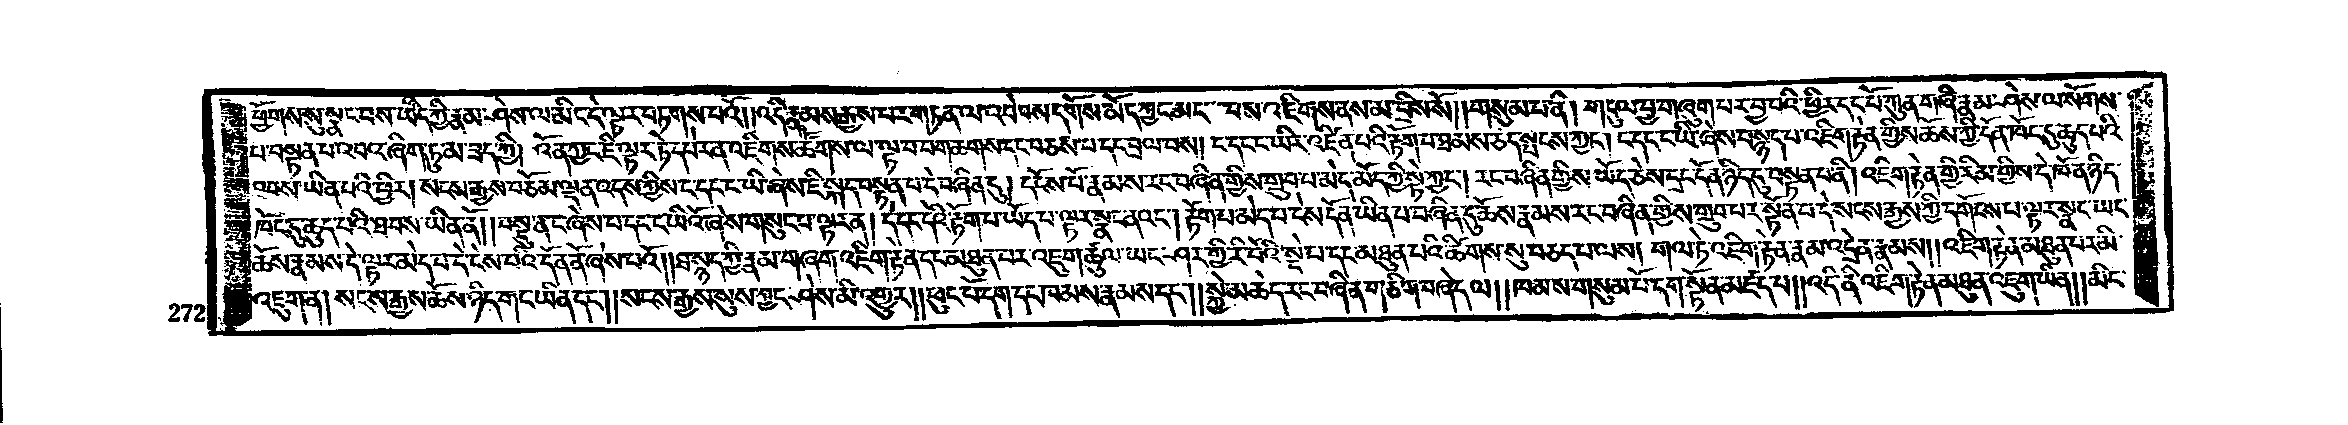ཕྱོགས་སུ་སྣང་བས་ཡིད་ཀྱི་རྣམ་ཤེས་ལ་མིང་དེ་ལྟར་བཏགས་པའོ། །འདི་རྣམས་རྒྱས་པར་གཏན་ལ་འབེབས་དགོས་མོད་ཀྱང་མང་བས་འཇིགས་ནས་མ་བྲིས་སོ། །གསུམ་པ་ནི། གདུལ་བྱ་གཞུག་པར་བྱ་བའི་ཕྱིར་དང་པོ་ཀུན་གཞི་རྣམ་ཤེས་ལ་སོགས་
པ་བསྟན་པ་འབའ་ཞིག་ཏུ་མ་ཟད་ཀྱི། འོན་ཀྱང་ཇི་ལྟར་ཏེ་དཔེར་ན་འཇིགས་ཚོགས་ལ་ལྟ་བ་བག་ཆགས་དང་བཅས་པ་དང་བྲལ་བས། ང་དང་ང་ཡིར་འཛིན་པའི་རྟོག་པ་ཐམས་ཅད་སྤངས་ཀྱང་། ང་དང་ང་ཡི་ཞེས་བསྙད་པ་འཇིག་རྟེན་གྱིས་ཆོས་ཀྱི་དོན་ཁོང་དུ་ཆུད་པའི་
ཐབས་ཡིན་པའི་ཕྱིར། སངས་རྒྱས་བཅོམ་ལྡན་འདས་ཀྱིས་ང་དང་ང་ཡི་ཞེས་ཇི་སྐད་བསྟན་པ་དེ་བཞིན་དུ། དངོས་པོ་རྣམས་རང་བཞིན་གྱིས་གྲུབ་པ་མེད་མོད་ཀྱི་སྟེ་ཀྱང་། རང་བཞིན་གྱིས་ཡོད་ཅེས་དྲང་དོན་ཉིད་དུ་བསྟན་པ་ནི། འཇིག་རྟེན་གྱི་རིམ་གྱིས་དེ་ཁོ་ན་ཉིད་
ཁོང་དུ་ཆུད་པའི་ཐབས་ཡིན་ནོ། །བསྡུ་ན་ང་ཞེས་པ་དང་ང་ཡིའོ་ཞེས་གསུང་པ་ལྟར་ན། དེ་དང་དེའི་རྟོག་པ་ཡོད་པ་ལྟར་སྣང་ནའང་། རྟོག་པ་མེད་པ་ངེས་དོན་ཡིན་པ་བཞིན་དུ་ཆོས་རྣམས་རང་བཞིན་གྱིས་གྲུབ་པར་སྟོན་པ་དེ་སངས་རྒྱས་ཀྱི་དགོངས་པ་ལྟར་སྣང་ཡང་
ཆོས་རྣམས་དེ་ལྟར་མེད་པ་དེ་ངེས་པའི་དོན་ནོ་ཞེས་པའོ། །ཐ་སྙད་ཀྱི་རྣམ་གཞག་འཇིག་རྟེན་དང་མཐུན་པར་འཇུག་ཚུལ་ཡང་ཤར་གྱི་རི་བོའི་སྡེ་པ་དང་མཐུན་པའི་ཚིགས་སུ་བཅད་པ་ལས། གལ་ཏེ་འཇིག་རྟེན་རྣམ་འདྲེན་རྣམས། །འཇིག་རྟེན་མཐུན་པར་མི་
འཇུག་ན། སངས་རྒྱས་ཆོས་ཉིད་གང་ཡིན་དང་། །སངས་རྒྱས་སུས་ཀྱང་ཤེས་མི་འགྱུར། །ཕུང་པོ་དག་དང་ཁམས་རྣམས་དང་། །སྐྱེ་མཆེད་རང་བཞིན་གཅིག་བཞེད་ལ། །ཁམས་གསུམ་པོ་དག་སྟོན་མཛད་པ། །འདི་ནི་འཇིག་རྟེན་མཐུན་འཇུག་ཡིན། །མིང་